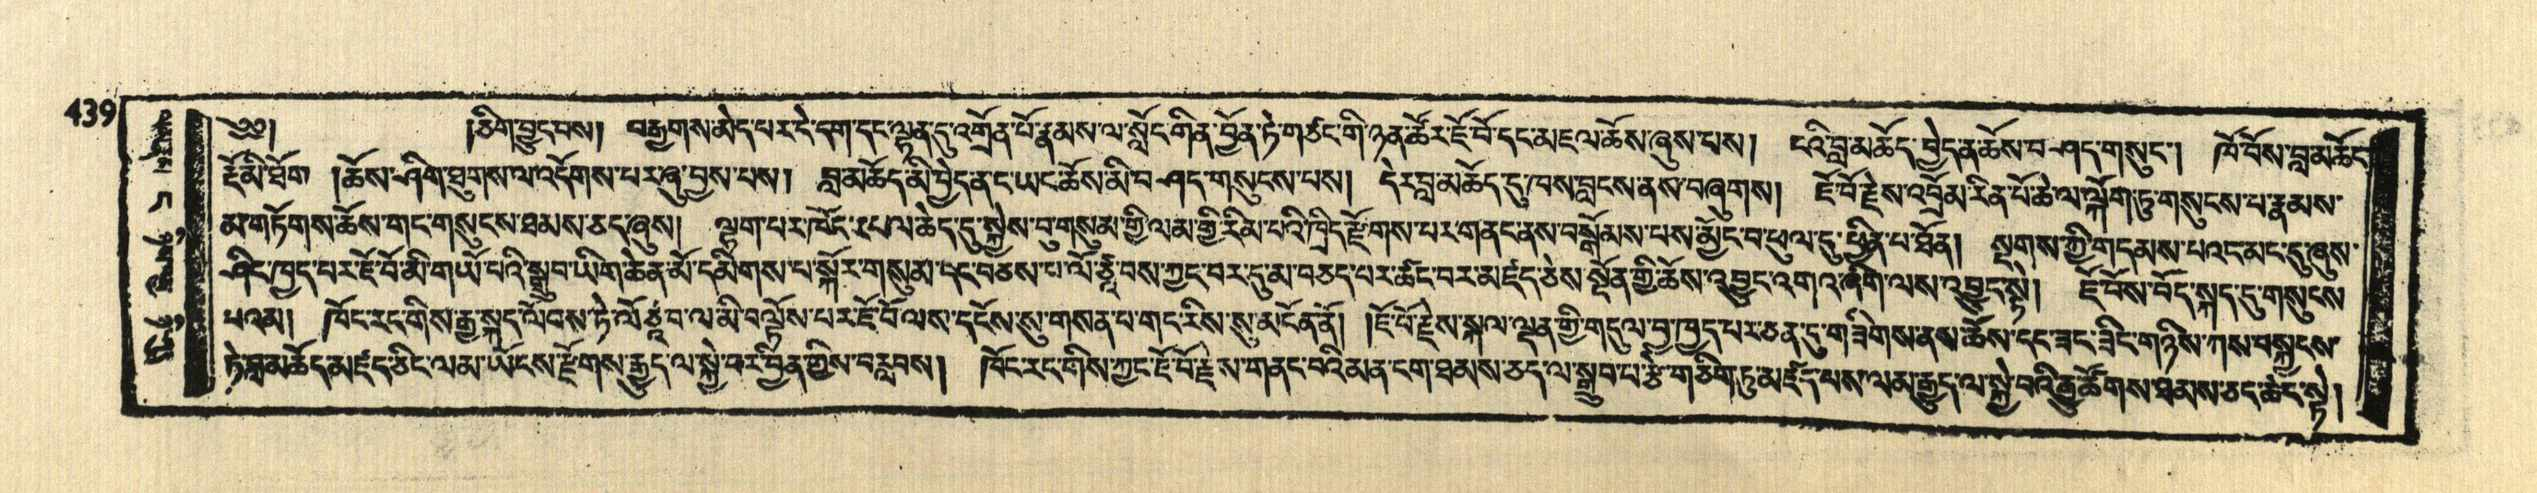༄༅། །ཅིག་བྱུང་བས། བརྒྱགས་མེད་པར་དེ་དག་དང་ལྷན་དུ་འགྲོན་པོ་རྣམས་ལ་སློང་གིན་བྱོན་ཏེ་གཙང་གི་ཉན་ཚོར་ཇོ་བོ་དང་མཇལ་ཆོས་ཞུས་པས། ངའི་བླ་མཆོད་བྱེད་ན་ཆོས་བཤད་གསུང་། ཁོ་བོས་བླ་མཆོད་
རྔོ་མི་ཐོག །ཆོས་ཤིག་ཐུགས་ལ་འདོགས་པར་ཞུ་བྱས་པས། བླ་མཆོད་མི་བྱེད་ན་ང་ཡང་ཆོས་མི་བཤད་གསུངས་པས། དེར་བླ་མཆོད་དུ་ཁས་བླངས་ནས་བཞུགས། ཇོ་བོ་རྗེས་འབྲོམ་རིན་པོ་ཆེ་ལ་ལྐོག་ཏུ་གསུངས་པ་རྣམས་
མ་གཏོགས་ཆོས་གང་གསུངས་ཐམས་ཅད་ཞུས། ལྷག་པར་ཁོང་རང་ལ་ཆེད་དུ་སྐྱེས་བུ་གསུམ་གྱི་ལམ་གྱི་རིམ་པའི་ཁྲིད་རྫོགས་པར་གནང་ནས་བསྒོམས་པས་མྱོང་བ་ཕུལ་དུ་ཕྱིན་པ་ཐོན། སྔགས་ཀྱི་གདམས་པའང་མང་དུ་ཞུས་
ཤིང་ཁྱད་པར་ཇོ་བོ་མི་གཡོ་པའི་སྒྲུབ་ཡིག་ཆེན་མོ་དམིགས་པ་སྐོར་གསུམ་དང་བཅས་པ་ལོ་ཙཱ་བས་ཀྱང་བར་དུ་མ་བཅད་པར་ཚང་བར་མཛད་ཅེས་སྔོན་གྱི་ཆོས་འབྱུང་འགའ་ཞིག་ལས་འབྱུང་སྟེ། ཇོ་བོས་བོད་སྐད་དུ་གསུངས་
པའམ། ཁོང་རང་གིས་རྒྱ་སྐད་ལོབས་ཏེ་ལོ་ཙཱ་བ་ལ་མི་བལྟོས་པར་ཇོ་བོ་ལས་དངོས་སུ་གསན་པ་གང་རིས་སུ་མངོན་ནོ། །ཇོ་བོ་རྗེས་སྐལ་ལྡན་གྱི་གདུལ་བྱ་ཁྱད་པར་ཅན་དུ་གཟིགས་ནས་ཆོས་དང་ཟང་ཟིང་གཉིས་ཀས་བསྐྱངས་
ཏེ་བླ་མཆོད་མཛད་ཅིང་ལམ་ཡོངས་རྫོགས་རྒྱུད་ལ་སྐྱེ་བར་བྱིན་གྱིས་བརླབས། ཁོང་རང་གིས་ཀྱང་ཇོ་བོ་རྗེས་གནང་བའི་མན་ངག་ཐམས་ཅད་ལ་སྒྲུབ་པ་རྩེ་གཅིག་ཏུ་མཛད་པས་ལམ་རྒྱུད་ལ་སྐྱེ་བའི་རྒྱུ་ཚོགས་ཐམས་ཅད་ཆེང་སྟེ།